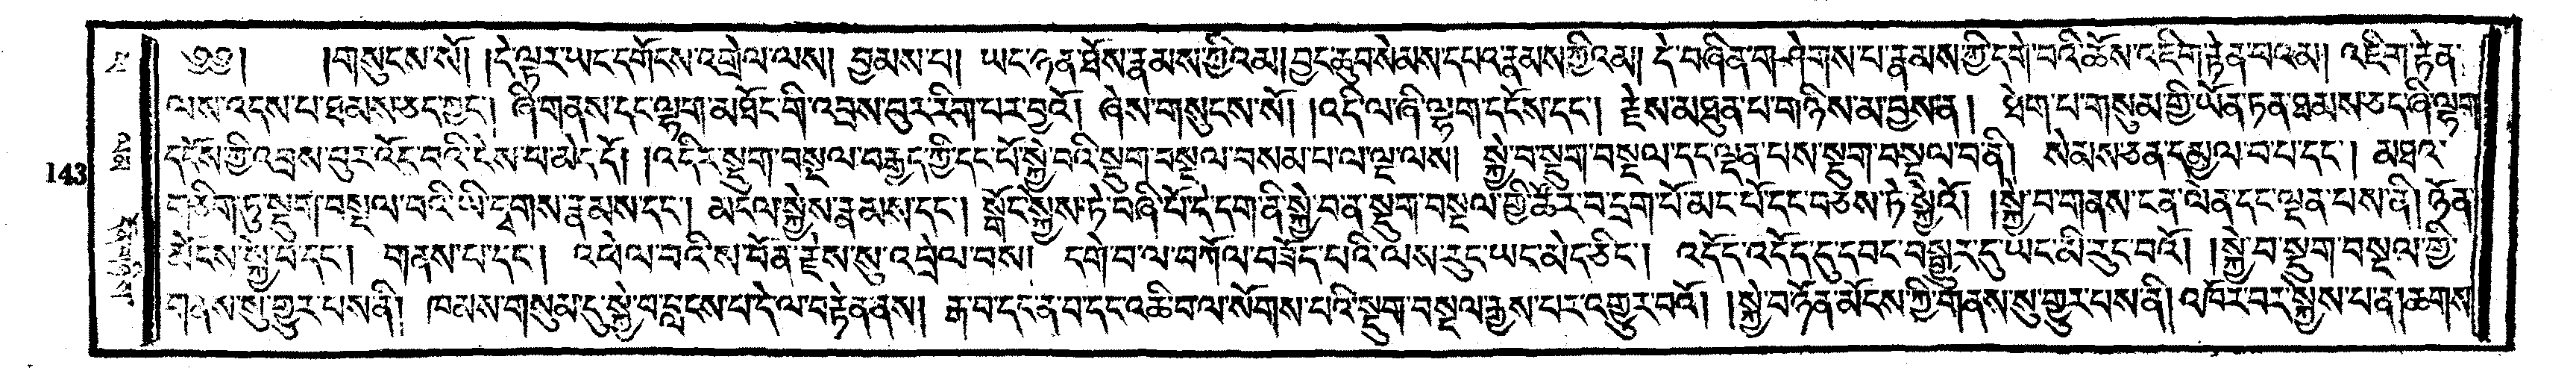༄༅། །གསུངས་སོ། །དེ་ལྟར་ཡང་དགོངས་འགྲེལ་ལས། བྱམས་པ། ཡང་ཉན་ཐོས་རྣམས་ཀྱིའམ། བྱང་ཆུབ་སེམས་དཔའ་རྣམས་ཀྱིའམ། དེ་བཞིན་གཤེགས་པ་རྣམས་ཀྱི་དགེ་བའི་ཆོས་འཇིག་རྟེན་པའམ། འཇིག་རྟེན་
ལས་འདས་པ་ཐམས་ཅད་ཀྱང་། ཞི་གནས་དང་ལྷག་མཐོང་གི་འབྲས་བུར་རིག་པར་བྱའོ། ཞེས་གསུངས་སོ། །འདི་ལ་ཞི་ལྷག་དངོས་དང་། རྗེས་མཐུན་པ་གཉིས་མ་བྱས་ན། ཐེག་པ་གསུམ་གྱི་ཡོན་ཏན་ཐམས་ཅད་ཞི་ལྷག་
དངོས་ཀྱི་འབྲས་བུར་འོང་བའི་ངེས་པ་མེད་དོ། །འདིར་སྡུག་བསྔལ་བརྒྱད་ཀྱི་དང་པོ་སྐྱེ་བའི་སྡུག་བསྔལ་བསམ་པ་ལ་ལྔ་ལས། སྐྱེ་བ་སྡུག་བསྔལ་དང་ལྡན་པས་སྡུག་བསྔལ་བ་ནི། སེམས་ཅན་དམྱལ་བ་པ་དང་། མཐའ་
གཅིག་ཏུ་སྡུག་བསྔལ་བའི་ཡི་དྭགས་རྣམས་དང་། མངལ་སྐྱེས་རྣམས་དང་། སྒོང་སྐྱེས་ཏེ་བཞི་པོ་དེ་དག་ནི་སྐྱེ་བ་ན་སྡུག་བསྔལ་གྱི་ཚོར་བ་དྲག་པོ་མང་པོ་དང་བཅས་ཏེ་སྐྱེའོ། །སྐྱེ་བ་གནས་ངན་ལེན་དང་ལྡན་པས་ནི། ཉོན་
མོངས་སྐྱེ་བ་དང་། གནས་པ་དང་། འཕེལ་བའི་ས་བོན་རྗེས་སུ་འབྲེལ་བས། དགེ་བ་ལ་བཀོལ་བཟོད་པའི་ལས་རུང་ཡང་མེད་ཅིང་། འདོད་འདོད་དུ་དབང་བསྒྱུར་དུ་ཡང་མི་རུང་བའོ། །སྐྱེ་བ་སྡུག་བསྔལ་གྱི་
གནས་སུ་གྱུར་པས་ནི། ཁམས་གསུམ་དུ་སྐྱེ་བ་བླངས་པ་དེ་ལ་བརྟེན་ནས། རྒ་བ་དང་ན་བ་དང་འཆི་བ་ལ་སོགས་པའི་སྡུག་བསྔལ་རྒྱས་པར་འགྱུར་བའོ། །སྐྱེ་བ་ཉོན་མོངས་ཀྱི་གནས་སུ་གྱུར་པས་ནི། འཁོར་བར་སྐྱེས་པ་ན། ཆགས་